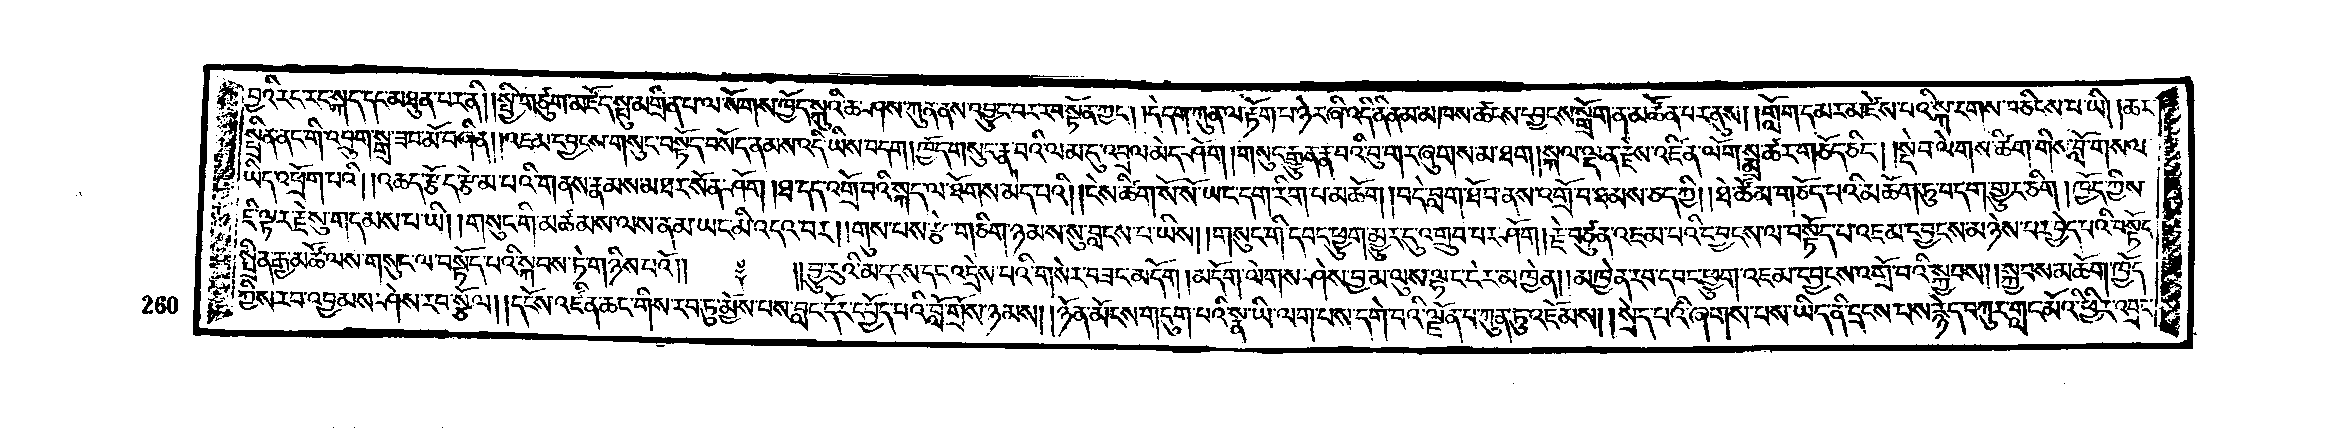བྱའི་རང་རང་སྐད་དང་མཐུན་པར་ནི། །སྤྱི་གཙུག་མཛོད་སྤུ་མགྲིན་པ་ལ་སོགས་ཁྱོད་སྐུའི་ཆ་ཤས་ཀུན་ནས་འབྱུང་བར་རབ་སྟེན་ཀྱང་། །དེ་དག་ཀུན་ལ་རྟོག་པ་ཉེར་ཞི་འདི་ནི་ནམ་མཁས་ཚངས་དབྱངས་སྒྲོག་ན་མཚོན་པར་ནུས། །གློག་དམར་མཛེས་པའི་སྐ་རགས་བཅིངས་པ་ཡི། །ཚར་
སྤྲིན་ནང་གི་འབྲུག་སྒྲ་ཟབ་མོ་བཞིན། །འཇམ་དབྱངས་གསུང་བསྟོད་བསོད་ནམས་འདི་ཡིས་བདག །ཁྱོད་གསུང་རྣ་བའི་ལམ་དུ་འབྲལ་མེད་ཤོག །གསུང་རྒྱུན་རྣ་བའི་བུ་གར་ཞུགས་མ་ཐག །སྐལ་ལྡན་རྗེས་འཛིན་ལོག་སྨྲ་ཆེར་གཅོད་ཅིང་། །སྡེ་བ་ལེགས་ཚིག་གིས་བློ་གསལ་
ཡིད་འཕྲོག་པའི། །འཆད་རྩོད་རྩེམ་པའི་གནས་རྣམས་མཐར་སོན་ཤོག །ཐ་དད་འགྲོ་བའི་སྐད་ལ་ཐོགས་མེད་པའི། །ངེས་ཚིག་སོ་སོ་ཡང་དག་རིག་པ་མཆོག །དེ་བླག་ཐོབ་ནས་འགྲོ་བ་ཐམས་ཅད་ཀྱི། །ཐེ་ཚོམ་གཅོད་པའི་མཆོག་ཏུ་བདག་གྱུར་ཅིག །ཁྱོད་ཀྱིས་
ཇི་ལྟར་རྗེས་སུ་གདམས་པ་ཡི། །གསུང་གི་མཚམས་ལས་ནམ་ཡང་མི་འདའ་བར། །གུས་པས་རྩི་གཅིག་ཉམས་སུ་བླངས་པ་ཡིས། །གསུང་གི་དབང་ཕྱུག་མྱུར་དུ་འགྲུབ་པར་ཤོག །རྗེ་བཙུན་འཇམ་པའི་དབྱངས་ལ་བསྟོད་པ་འཇམ་དབྱངས་མཉེས་པར་བྱེད་པའི་བསྟོད་
སྤྲིན་རྒྱ་མཚོ་ལས་གསུང་ལ་བསྟོད་པའི་སྐབས་ཏེ་གཉིས་པའོ།། ༈ །།བྱུ་རུའི་མདངས་དང་འདྲེས་པའི་གསེར་བཟང་མདོག །མདོག་ལེགས་ཤེས་བྱ་མ་ལུས་ལྷང་ངེར་མཁྱེན། །མཁྱེན་རབ་དབང་ཕྱུག་འཇམ་དབྱངས་འགྲོ་བའི་སྐྱབས། །སྐྱབས་མཆོག་ཁྱོད་
ཀྱིས་རབ་འབྱམས་ཤེས་རབ་སྩོལ། །དངོས་འཛིན་ཆང་གིས་རབ་ཏུ་མྱོས་པས་བླང་དོར་དཔྱོད་པའི་བློ་གྲོས་ཉམས། །ཉོན་མོངས་གདུག་པའི་སྣ་ཡི་ལག་པས་དགེ་བའི་ལྗོན་པ་ཀུན་ཏུ་འཇོམས། །སྲེད་པའི་ཞགས་པས་ཡིད་ནི་དྲངས་པས་རྙེད་བཀུར་གླང་མོའི་ཕྱིར་འབྲང་